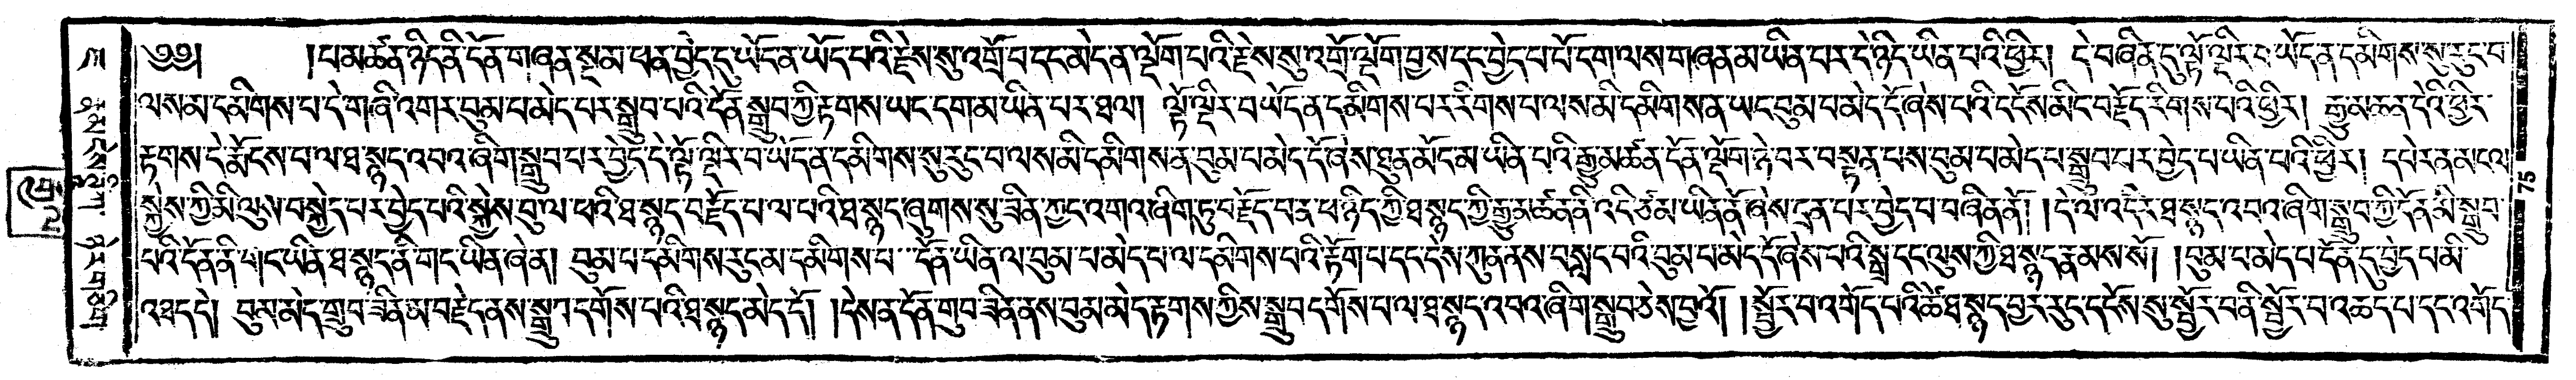༄༅། །པ་མཚན་ཉིད་ནི་དོན་གཞན་སྔ་མ་ཕན་བྱེད་དུ་ཡོད་ན་ཡོད་པའི་རྗེས་སུ་འགྲོ་བ་དང་མེད་ན་ལྡོག་པའི་རྗེས་སུ་འགྲོ་ལྡོག་བྱས་དང་བྱེད་པ་པོ་དག་ལས་གཞན་མ་ཡིན་པར་དེ་ཉིད་ཡིན་པའི་ཕྱིར། དེ་བཞིན་དུ་ལྟོ་ལྡིར་བ་ཡོད་ན་དམིགས་སུ་རུང་བ་
ལས་མ་དམིགས་པ་དེ་གཞི་འགར་བུམ་པ་མེད་པར་སྒྲུབ་པའི་དོན་སྒྲུབ་ཀྱི་རྟགས་ཡང་དག་མ་ཡིན་པར་ཐལ། ལྟོ་ལྡིར་བ་ཡོད་ན་དམིགས་པར་རིགས་པ་ལས་མི་དམིགས་ན་ཡང་བུམ་པ་མེད་དོ་ཞེས་པའི་དངོས་མིང་བརྗོད་རིགས་པའི་ཕྱིར། རྒྱུ་མཚན་དེའི་ཕྱིར་
རྟགས་དེ་རྨོངས་པ་ལ་ཐ་སྙད་འབའ་ཞིག་སྒྲུབ་པར་བྱེད་དེ་ལྟོ་ལྡིར་བ་ཡོད་ན་དམིགས་སུ་རུང་བ་ལས་མི་དམིགས་ན་བུམ་པ་མེད་དོ་ཞེས་ཐུན་མོང་མ་ཡིན་པའི་རྒྱུ་མཚན་དོན་ལྡོག་ཉེ་བར་བསྟན་པས་བུམ་པ་མེད་པ་སྒྲུབ་པར་བྱེད་པ་ཡིན་པའི་ཕྱིར། དཔེར་ན་མངལ་
སྐྱེས་ཀྱི་མི་ལུས་བསྐྱེད་པར་བྱེད་པའི་སྐྱེས་བུ་ལ་ཕའི་ཐ་སྙད་བརྗོད་པ་ལ་པའི་ཐ་སྙད་ཞུགས་སུ་ཟིན་ཀྱང་འགའ་ཞིག་ཏུ་བརྗོད་པ་ན་ཕ་ཉིད་ཀྱི་ཐ་སྙད་ཀྱི་རྒྱུ་མཚན་ནི་འདི་ཙམ་ཡིན་ནོ་ཞེས་དྲན་པར་བྱེད་པ་བཞིན་ནོ། །དེ་ལ་འདིར་ཐ་སྙད་འབའ་ཞིག་སྒྲུབ་ཀྱི་དོན་མི་སྒྲུབ་
པའི་དོན་ནི་གང་ཡིན་ཐ་སྙད་ནི་གང་ཡིན་ཞེ་ན། བུམ་པ་དམིགས་རུང་མ་དམིགས་པ་དོན་ཡིན་ལ་བུམ་པ་མེད་པ་ལ་དམིགས་པའི་རྟོག་པ་དང་དེས་ཀུན་ནས་བསླང་བའི་བུམ་པ་མེད་དོ་ཞེས་པའི་སྒྲ་དང་ལུས་ཀྱི་ཐ་སྙད་རྣམས་སོ། །བུམ་པ་མེད་པ་དོན་དུ་བྱེད་པ་མི་
འཐད་དེ། བུམ་མེད་གྲུབ་ཟིན་མ་བརྗེད་ནས་སྒྲུབ་དགོས་པའི་ཐ་སྙད་མེད་དོ། །དེས་ན་དོན་གྲུབ་ཟིན་ནས་བུམ་མེད་རྟགས་ཀྱིས་སྒྲུབ་དགོས་པ་ལ་ཐ་སྙད་འབའ་ཞིག་སྒྲུབ་ཅེས་བྱའོ། །སྦྱོར་བ་འགོད་པའི་ཚེ་ཐ་སྙད་བྱར་རུང་དངོས་སུ་སྦྱོར་བ་ནི་སྦྱོར་བ་འཆད་པ་དང་འགོད་